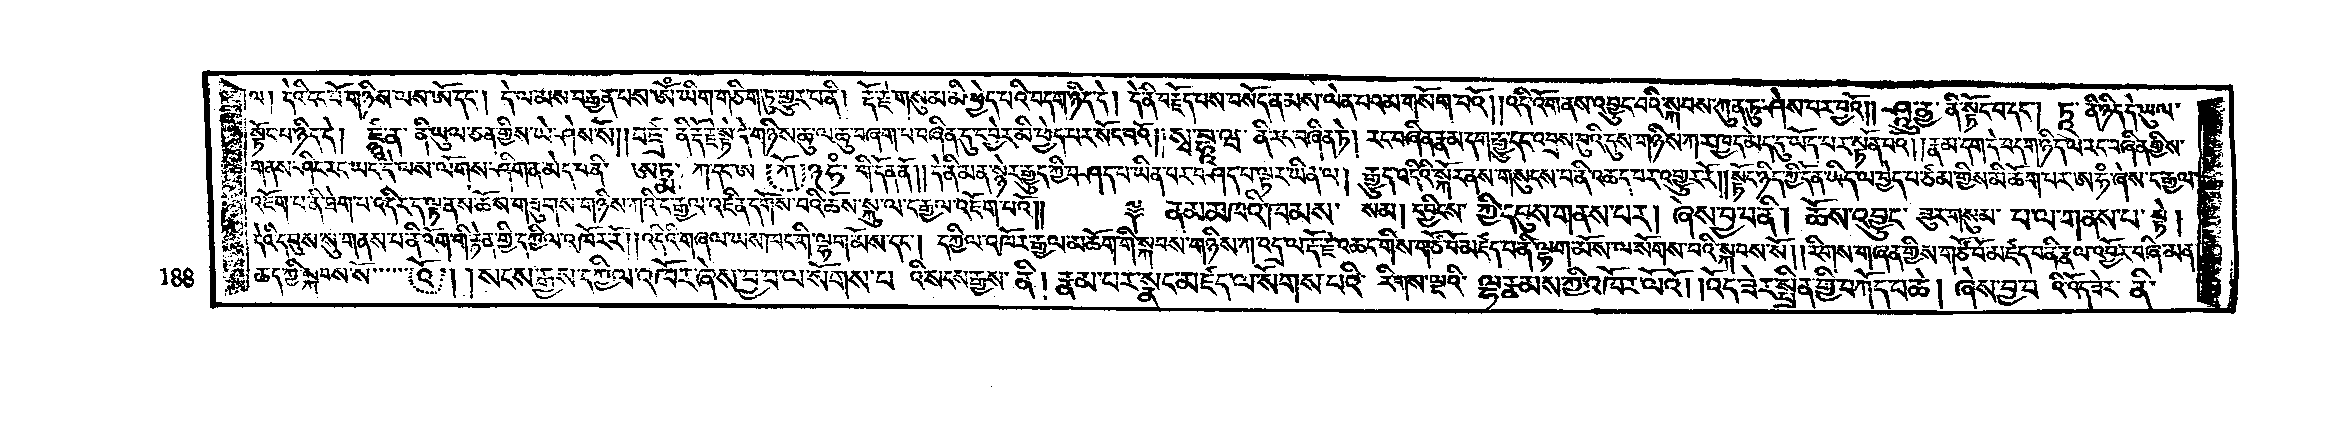ལ། དེའི་དང་པོ་གཉིས་ལས་ཨོཾ་དང་། དེ་ལ་མས་བརྒྱན་པས་ཨོཾ་ཡིག་གཅིག་ཏུ་གྱུར་པ་ནི། རྡོ་རྗེ་གསུམ་མི་ཕྱེད་པའི་བདག་ཉིད་དེ། དེ་ནི་བརྗོད་པས་བསོད་ནམས་ལེན་པའམ་གསོག་པའོ། །འདི་འོག་ནས་འབྱུང་བའི་སྐབས་ཀུན་ཏུ་ཤེས་པར་བྱའོ།། ཤཱུ་ནྱ་ནི་སྟོང་པ་དང་།  ཏཱ་ནི་ཉིད་དེ་ཡུལ་
སྟོང་པ་ཉིད་དེ། ཛྙ་ན་ནི་ཡུལ་ཅན་གྱིས་ཡེ་ཤེས་སོ། །  བཛྲ་ནི་རྡོ་རྗེ་སྟེ་དེ་གཉིས་ཆུ་ལ་ཆུ་བཞག་པ་བཞིན་དུ་དབྱེར་མི་ཕྱེད་པར་སོང་བའོ།།  སྭ་བྷཱ་ཝ་ནི་རང་བཞིན་ཏེ། རང་བཞིན་རྣམ་དག་རྒྱུ་དང་འབྲས་བུའི་དུས་གཉིས་ཀར་ཁྱད་མེད་དུ་ཡོད་པར་སྟོན་པའོ། །རྣམ་དག་དེ་བདག་ཉིད་ལ་རང་བཞིན་གྱིས་
གནས་ཤིང་རང་ཡང་དེ་ལས་ལོགས་ཤིག་ན་མེད་པ་ནི་ཨཏྨ་ཀ་དང་ཨ་ཀོ་ཉཧཾ་གི་དོན་ནོ། །དེ་ནི་མན་སྙེར་རྒྱུད་ཀྱི་བཤད་པ་ཡིན་པར་བཤད་པ་ལྟར་ཡིན་ལ། རྒྱུད་འདིའི་སྐོར་ནས་གསུངས་པ་ནི་འཆད་པར་འགྱུར་རོ། །སྟོང་ཉིད་ཀྱི་དོན་ཡིད་ལ་བྱེད་པ་ཙམ་གྱིས་མི་ཆོག་པར་ཨ་ཧཾ་ཞེས་ང་རྒྱལ་
འཇོག་པ་ནི་ཐེག་པ་འདིར་ད་ལྟ་ནས་ཆོས་གཟུགས་གཉིས་ཀའི་ང་རྒྱལ་འཛིན་དགོས་པའི་ཆོས་སྐུ་ལ་ང་རྒྱལ་འཇོག་པའོ།། ༈ ནམ་མཁའི་ཁམས་སམ། དབྱིངས་ཀྱི་དབུས་གནས་པར། ཞེས་བྱ་བ་ནི། ཆོས་འབྱུང་ཟུར་གསུམ་པ་ལ་གནས་པ་སྟེ།
དེའི་དབུས་སུ་གནས་པ་ནི་འོག་གི་རྟེན་གྱི་དཀྱིལ་འཁོར་རོ། །འདིའི་གཞལ་ཡས་ཁང་གི་ལྷག་མོས་དང་། དཀྱིལ་འཁོར་རྒྱལ་མཆོག་གི་སྐབས་གཉིས་ཀ་འདྲ་ལ་རྡོ་རྗེ་འཆང་གིས་གཙོ་བོ་མཛད་པ་ནི་ལྷག་མོས་ལ་སོགས་པའི་སྐབས་སོ། །རིགས་གཞན་གྱིས་གཙོ་བོ་མཛད་པ་ནི་རྣལ་འབྱོར་བཞི་མན་
ཆད་ཀྱི་སྐབས་སོ་འོ། །སངས་རྒྱས་དཀྱིལ་འཁོར་ཞེས་བྱ་བ་ལ་སོགས་པའི་སངས་རྒྱས་ནི། རྣམ་པར་སྣང་མཛད་ལ་སོགས་པའི་རིགས་ལྔའི་ལྷ་རྣམས་ཀྱི་འཁོར་ལོའོ། །འོད་ཟེར་སྤྲིན་གྱི་བཀོད་པ་ཆེ། ཞེས་བྱ་བའི་འོད་ཟེར་ནི་